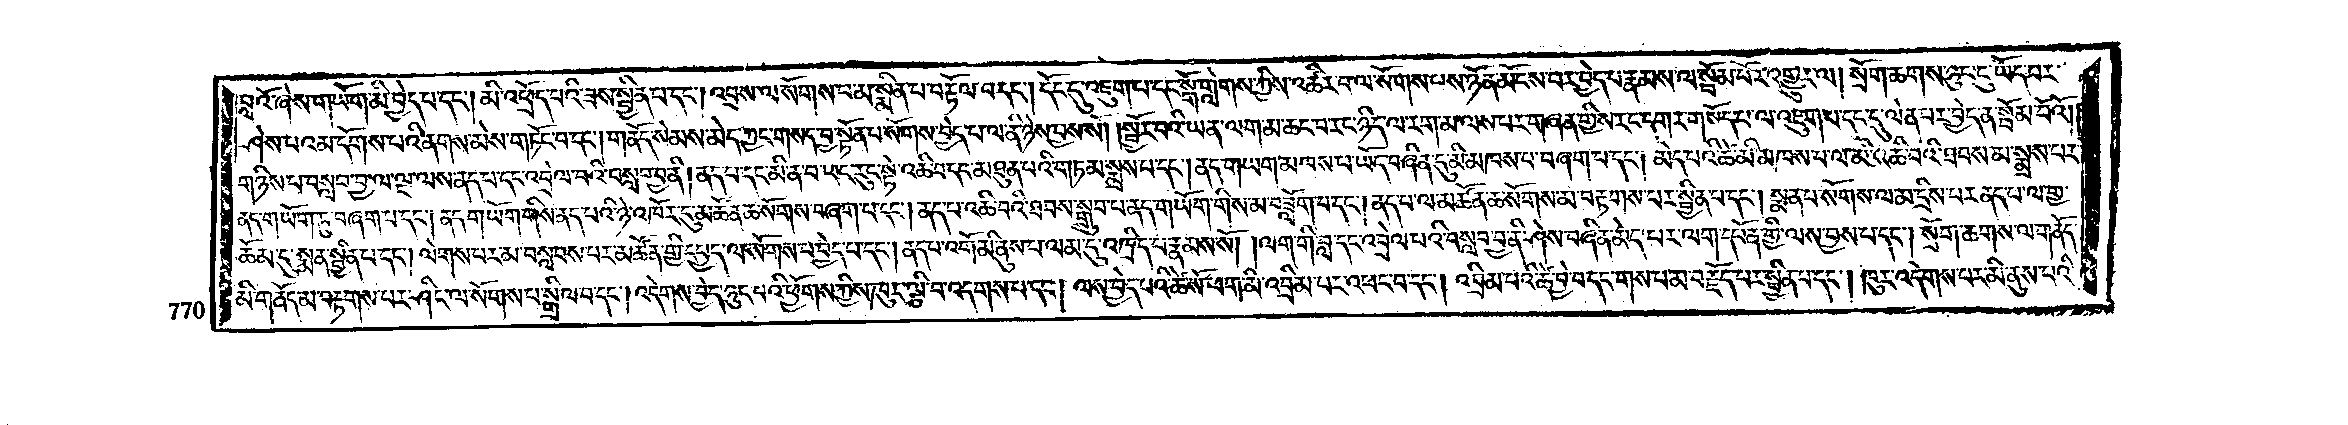བླའོ་ཞེས་གཡོག་མི་བྱེད་པ་དང་། མི་འཕྲོད་པའི་ཟས་སྦྱིན་པ་དང་། འབྲས་ལ་སོགས་པ་མ་སྨིན་པ་བརྟོལ་བ་དང་། དོང་དུ་འཇུག་པ་དང་སྒོ་གླེགས་ཀྱིས་འཚིར་བ་ལ་སོགས་པས་ཉོན་མོངས་པར་བྱེད་པ་རྣམས་ལ་སྦོམ་པོར་འགྱུར་ལ། སྲོག་ཆགས་ཉུང་ངུ་ཡོད་པར་
ཤེས་པའམ་དོགས་པའི་ནགས་མེས་གཏོང་བ་དང་། གནོད་སེམས་མེད་ཀྱང་གསད་བྱ་སྟོན་པ་སོགས་བྱེད་པ་ལ་ནི་ཉེས་བྱས་སོ། །སྦྱོར་བའི་ཡན་ལག་མ་ཆང་བ་རང་ཉིད་ལ་རག་མ་ལས་པར་གཞན་གྱིས་རང་དགར་གསོད་པ་ལ་འཇུག་པ་དང་དུ་ལེན་པར་བྱེད་ན་སྦོམ་བོའོ། །
གཉིས་པ་བསླབ་བྱ་ལ་ལྔ་ལས་ནད་པ་དང་འབྲེལ་བའི་བསླབ་བྱ་ནི། ནད་པ་དང་མི་ན་བ་ཡང་རུང་སྟེ་འཆི་བ་དང་མཐུན་པའི་གཏམ་སྨྲས་པ་དང་། ནད་གཡོག་མཁས་པ་ཡོད་བཞིན་དུ་མི་མཁས་པ་བཞག་པ་དང་། མེད་པའི་ཚེ་མི་མཁས་པ་ལ་མི་འཆི་བའི་ཐབས་མ་སྨྲས་པར་
ནད་གཡོག་ཏུ་བཞག་པ་དང་། ནད་གཡོག་གིས་ནད་པའི་ཉེ་འཁོར་དུ་མཚོན་ཆ་སོགས་བཞག་པ་དང་། ནད་པ་འཆི་བའི་ཐབས་སྒྲུབ་པ་ནད་གཡོག་གིས་མ་བཟློག་པ་དང་། ནད་པ་ལ་མཚོན་ཆ་སོགས་མ་བརྟགས་པར་སྦྱིན་པ་དང་། སྨན་པ་སོགས་ལ་མ་དྲིས་པར་ནད་པ་ལ་གྱ་
ཆོམ་དུ་སྨན་སྦྱིན་པ་དང་། ལེགས་པར་མ་བསླབས་པར་མཚོན་གྱི་དཔྱད་ལ་སོགས་པ་བྱེད་པ་དང་། ནད་པ་འགོ་མི་ནུས་པ་ལམ་དུ་འཁྲིད་པ་རྣམས་སོ། །ལག་གི་བླ་དང་འབྲེལ་པའི་བསླབ་བྱ་ནི་ཤེས་བཞིན་མེད་པར་ལག་དཔོན་གྱི་ལས་བྱས་པ་དང་། སྲོག་ཆགས་ལ་གནོད་
མི་གནོད་མ་བརྟགས་པར་ཤིང་ལ་སོགས་པ་སྒྲིལ་བ་དང་། འདེགས་བྱེད་ཉུང་པའི་ཕྱོགས་ཀྱིས་ཁུར་ལྕི་བ་འདགས་པ་དང་། ལས་བྱེད་པའི་ཚེ་སོ་ཕག་མི་འབྲིམ་པར་འཕང་བ་དང་། འབྲིམ་པའི་ཚེ་བྱེ་བ་དང་གས་པ་མ་བརྗོད་པར་སྦྱིན་པ་དང་། ཁུར་འདེགས་པར་མི་ནུས་པའི་